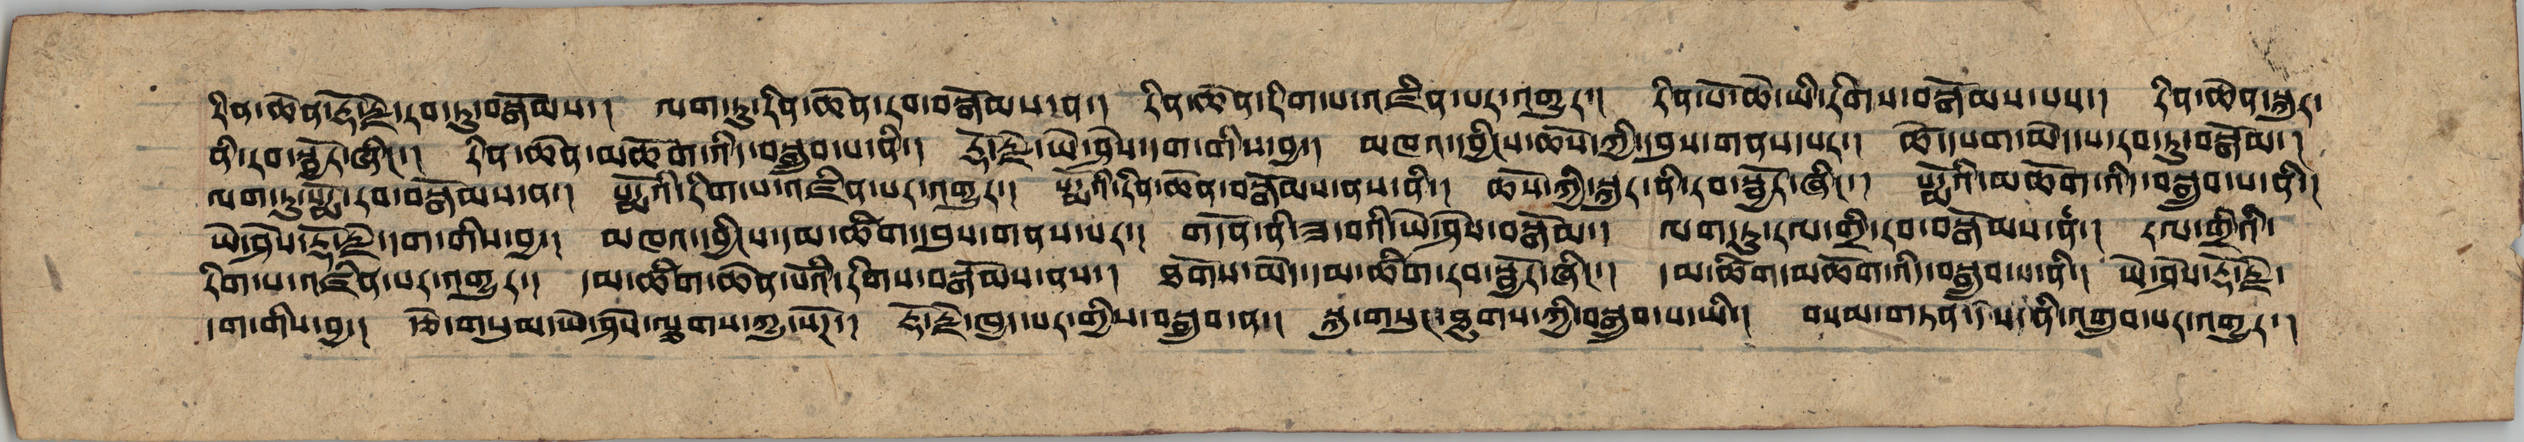རིན་ཆེན་རྡོ་རྗེ་རབ་ཏུ་བསྒོམས་། ལག་ཏུ་རིན་ཆེན་རབ་བསྒོམས་ན་། རིན་ཆེན་རིག་པ་འཛིན་པར་འགྱུར་། རིན་པོ་ཆེ་ཡི་རིགས་བསྒོམས་པས་། རིན་ཆེན་སྐུར་
ནི་རབ་སྦྱོར་ཞིང་། རིན་ཆེན་མཆོག་འདི་བསྒྲུབ་པ་ནི་། རྡོ་རྗེ་ཡེ་ཤེས་དག་གིས་བྱ་། མཁའ་དབྱིངས་ཆོས་ཀྱི་དབུས་གནས་པར་། ཚེ་དཔག་མེད་པ་རབ་ཏུ་བསྒོམ་།
ལག་ཏུ་པདྨོ་རབ་བསྒོམས་ན་། པདྨོའི་རིག་པ་འཛིན་པར་འགྱུར་། པདྨའི་རིན་ཆེན་བསྒོམས་ནས་ནི་། ཆོས་ཀྱི་སྐུར་ནི་རབ་སྦྱོར་ཞིང་། པདྨོའི་མཆོག་འདི་བསྒྲུབ་པ་ནི་།
ཡེ་ཤེས་རྡོ་རྗེ་དག་གིས་བྱ་། མཁའ་དབྱིངས་དམ་ཚིག་དབུས་གནས་པར་། གདོན་མི་ཟ་བའི་ཡེ་ཤེས་བསྒོམ་། ལག་ཏུ་རལ་གྲི་རབ་བསྒོམས་ན་། རལ་གྲིའི་
རིག་པ་འཛིན་པར་འགྱུར་། དམ་ཚིག་ཆེན་པོའི་རིགས་བསྒོམས་ནས་། ཐོགས་མེད་དམ་ཚིག་རབ་སྦྱོར་ཞིང་། དམ་ཚིག་མཆོག་འདི་བསྒྲུབ་པ་ནི་། ཡེ་ཤེས་རྡོ་རྗེ་
དག་གིས་བྱ་། རྩེ་གསུམ་ཡེ་ཤེས་ལྕགས་ཀྱུ་སོཌ་། རྡོ་རྗེ་ཁྱད་པར་གྱིས་བསྒྲུབ་ན་། སྐུ་གསུང་ཐུགས་ཀྱི་བསྒྲུབ་པ་ཡི་། བསམ་གཏན་དེས་ནི་འགྲུབ་པར་འགྱུར་།